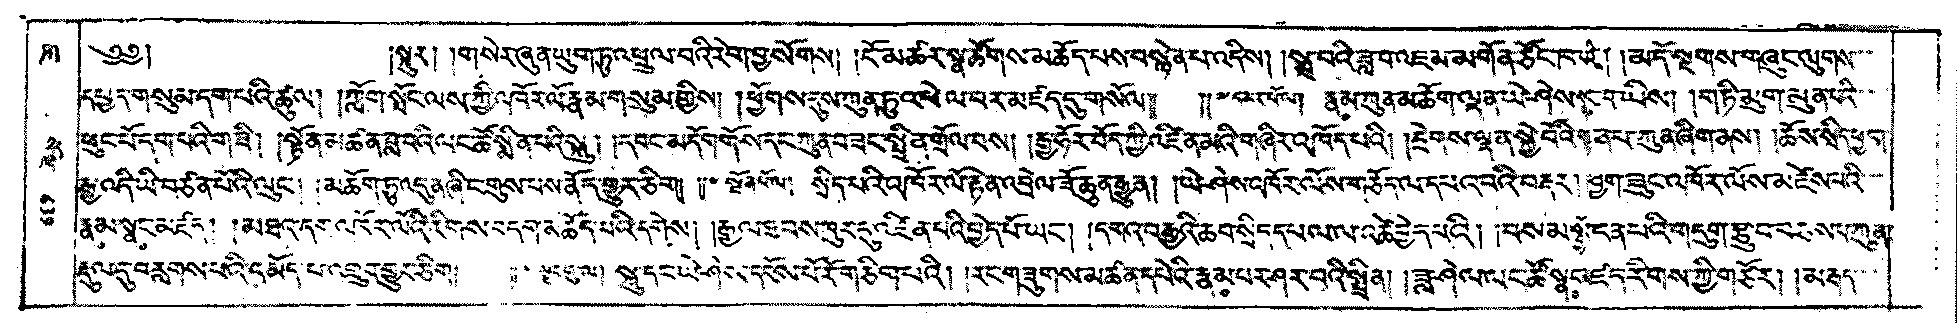༄༅། །སྐུར། །གསེར་ཞུན་ཡུག་ཏུ་འཕྲུལ་བའི་རེག་བྱ་སོགས། །ངོ་མཚར་སྣ་ཚོགས་མཆོད་པས་བསྙེན་པ་འདིས། །སྨྲ་བའི་ཟླ་བ་འཇམ་མགོན་ཙོང་ཁ་པའི། །མདོ་སྔགས་གཞུང་ལུགས་
དཔྱད་གསུམ་དག་པའི་ཚུལ། །ཀློག་སྤོང་ལས་ཀྱི་འཁོར་ལོ་རྣམ་གསུམ་གྱིས། །ཕྱོགས་དུས་ཀུན་ཏུ་འཕེལ་བར་མཛད་དུ་གསོལ།། །།༧དམར་པོ་ལ།  རྣམ྾་ཀུན་མཆོག་ལྡན་ཡེ་ཤེས་སྣང྾་བ་ཡིས། །གཏི་མུག་མུན་པའི་
ཕུང་པོ་དག་པའི་གཟི། །སྟོན་མཚན་ཟླ་བའི་ལང་ཚོ་སྨིན་པའི་སྐུ། །དབང་མདོག་གོས་དང་ཀུན་བཟང་སྤྲིན་གྲོལ་བས། །རྒྱ་ཧོར་བོད་ཀྱི་འཛིན་མའི་གཞིར་འཁོད་པའི། །དྲེགས་ལྡན་སྐྱེ་བོའི་བརྟན་པ་ཀུན་ཞིག་ནས། །ཆོས་སྲིད་ཕྱག་
རྒྱ་འདི་ཡི་བཙན་པོའི་ལུང་། །མཆོག་ཏུ་འདུན་ཞིང་གུས་པས་ནོད་གྱུར་ཅིག ། །།༧སྔོན་པོ་ལ།  སྲིད་པའི་འཁོར་ལོ་རྟེན་འབྲེལ་ཟོ་ཆུན་རྒྱུན། །ཡེ་ཤེས་འཁོར་ལོས་གཅོད་ལ་དཔའ་བའི་བརྡར། །ཕྱག་ཟུང་འཁོར་ལོས་མཛེས་པའི་
རྣམ྾་སྣང྾་མཛད། །མཐའ་དག་འཁོར་ལོའི་རིགས་བདག་མཆོད་པའི་དགེས། །རྒྱལ་ཐབས་ཁུར་དུ་འཛིན་པའི་བྱེད་པོ་ཡང་། །དགའ་བརྒྱའི་ཆབ་སྲིད་དཔལ་ལ་འཚེ་བྱེད་པའི། །བསམ་སྦྱོར་ངན་པའི་གདུག་རྩུབ་བཅས་པ་ཀུན། །
རྡུལ་དུ་བརླགས་པའི་དམོད་པ་འགྲུབ་གྱུར་ཅིག ། །།༧ལྗང་གུ་ལ།  སྐུ་དང་ཡེ་ཤེས་དངོས་པོ་རོ་གཅིག་པའི། །རང་གཟུགས་མཚན་དཔེའི་རྣམ྾་པར་ཤར་བའི་སྤྲིན། །ཟླ་ཤེལ་ལང་ཚོ་སྣང྾་མཛད་རིགས་ཀྱི་གཙོར། །མརྒད་